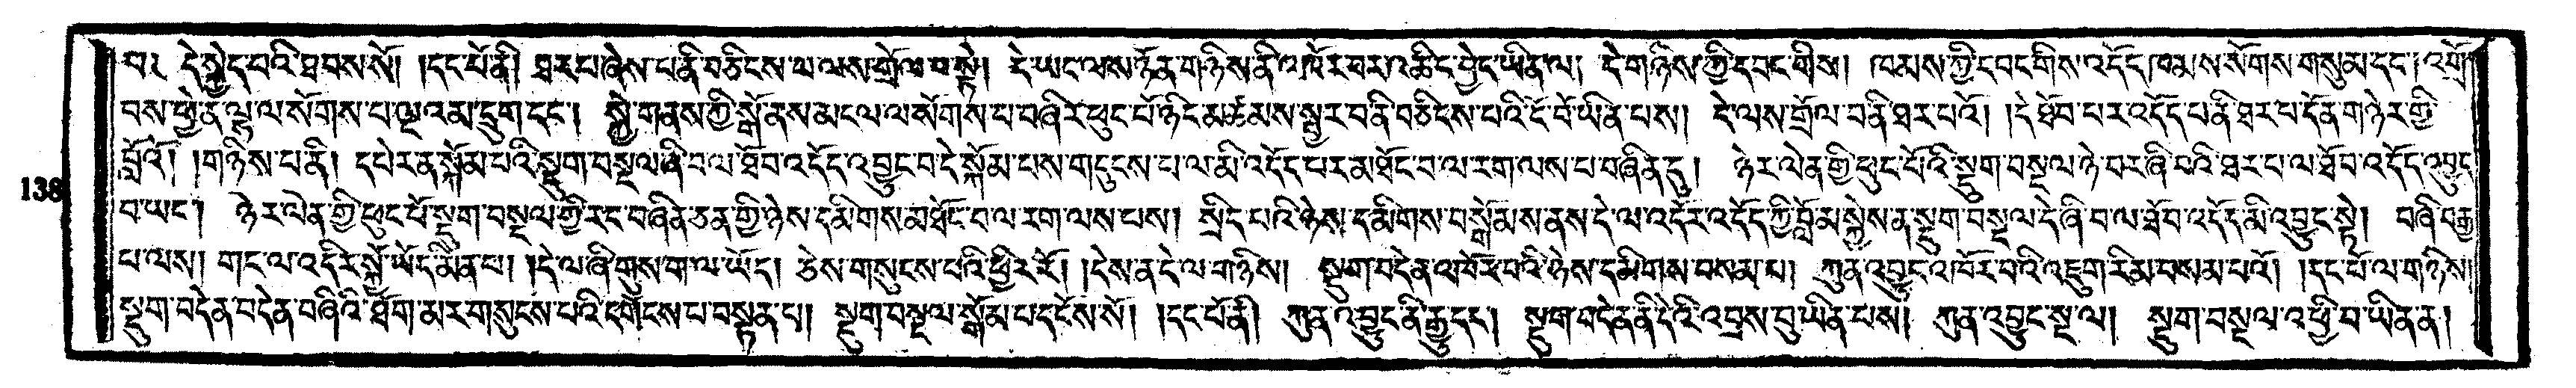བ༑ དེ་སྐྱེད་བའི་ཐབས་སོ། །དང་པོ་ནི། ཐར་པ་ཞེས་པ་ནི་བཅིངས་ལ་ལས་གྲོལ་བ་སྟེ། དེ་ཡང་ལས་ཉོན་གཉིས་ནི་འཁོར་བར་འཆིང་བྱེད་ཡིན་ལ། དེ་གཉིས་ཀྱི་དབང་གིས། ཁམས་ཀྱི་དབང་གིས་འདོད་ཁམས་སོགས་གསུམ་དང་། འགྲོ་
བས་ཕྱེ་ན་ལྷ་ལ་སོགས་པ་ལྔའམ་དྲུག་དང་། སྐྱེ་གནས་ཀྱི་སྒོ་ནས་མངལ་ལ་སོགས་པ་བཞིར་ཕུང་པོ་ཉིང་མཚམས་སྦྱར་བ་ནི་བཅིངས་པའི་ངོ་བོ་ཡིན་པས། དེ་ལས་གྲོལ་བ་ནི་ཐར་པའོ། །དེ་ཐོབ་པར་འདོད་པ་ནི་ཐར་པ་དོན་གཉེར་གྱི་
བློའོ། །གཉིས་པ་ནི། དཔེར་ན་སྐོམ་པའི་སྡུག་བསྔལ་ཞི་བ་ལ་ཐོབ་འདོད་འབྱུང་བ་དེ་སྐོམ་པས་གདུངས་པ་ལ་མི་འདོད་པར་མཐོང་བ་ལ་རག་ལས་བ་བཞིན་དུ། ཉེར་ལེན་གྱི་ཕུང་པོའི་སྡུག་བསྔལ་ཉེ་བར་ཞི་བའི་ཐར་པ་ལ་ཐོབ་འདོད་འབྱུང་
བ་ཡང་། ཉེར་ལེན་གྱི་ཕུང་པོ་སྡུག་བསྔལ་གྱི་རང་བཞིན་ཅན་གྱི་ཉེས་དམིགས་མཐོང་བ་ལ་རག་ལས་པས། སྲིད་པའི་ཉེས་དམིགས་བསྒོམས་ནས་དེ་ལ་འདོར་འདོད་ཀྱི་བློ་མ་སྐྱེས་ན་སྡུག་བསྔལ་དེ་ཞི་བ་ལ་ཐོབ་འདོད་མི་འབྱུང་སྟེ། བཞི་བརྒྱ་
པ་ལས། གང་ལ་འདིར་སྐྱོ་ཡོད་མིན་པ། །དེ་ལ་ཞི་གུས་ག་ལ་ཡོད། ཅེས་གསུངས་པའི་ཕྱིར་རོ། །དེས་ན་དེ་ལ་གཉིས། སྡུག་བདེ་འཁོར་བའི་ཉེས་དམིགས་བསམ་པ། ཀུན་འབྱུང་འཁོར་བའི་འཇུག་རིམ་བསམ་པའོ། །དང་པོ་ལ་གཉིས་
སྡུག་བདེན་བདེན་བཞིའི་ཐོག་མར་གསུངས་པའི་དགོངས་པ་བསྟན་པ། སྡུག་བསྔལ་སྒོམ་པ་དངོས་སོ། །དང་པོ་ནི། ཀུན་འབྱུང་ནི་རྒྱུ་དང་། སྡུག་བདེན་ནི་དེའི་འབྲས་བུ་ཡིན་པས། ཀུན་འབྱུང་སྔ་ལ། སྡུག་བསྔལ་འཕྱི་བ་ཡིན་ན།